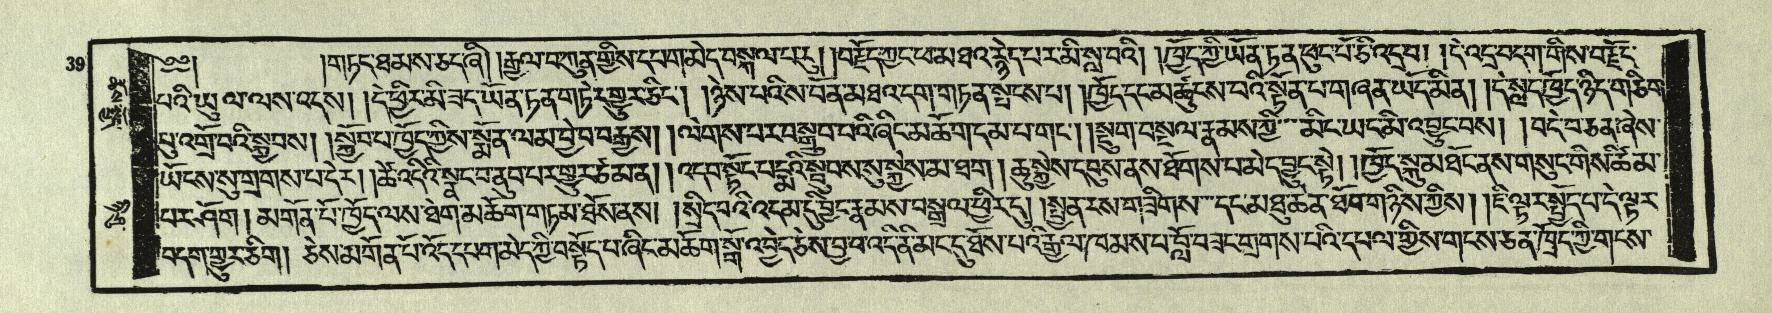༄༅། །གཏད་ཐམས་ཅད་ཞི། །རྒྱལ་བ་ཀུན་གྱིས་དཔག་མེད་བསྐལ་པ་རུ། །བརྗོད་ཀྱང་ཕ་མཐའ་རྙེད་པར་མི་སླ་བའི། །ཁྱོད་ཀྱི་ཡོན་ཏན་ཕུང་པོ་ཅི་འདྲ་བ། །དེ་འདྲ་བདག་གིས་བརྗོད་
པའི་ཡུལ་ལས་འདས། །དེ་ཕྱིར་མི་ཟད་ཡོན་ཏན་གཏེར་གྱུར་ཅིང་། །ཉེས་པའི་ས་བོན་མཐའ་དག་གཏན་སྤངས་པ། །ཁྱོད་དང་མཚུངས་པའི་སྟོན་པ་གཞན་ཡོད་མིན། །དེ་སླད་ཁྱོད་ཉིད་གཅིག་
པུ་འགྲོ་བའི་སྐྱབས། །སྐྱོབ་པ་ཁྱོད་ཀྱིས་སྨོན་ལམ་བྱེ་བ་བརྒྱས། །ལེགས་པར་བསྒྲུབ་པའི་ཞིང་མཆོག་དམ་པ་གང་། །སྡུག་བསྔལ་རྣམས་ཀྱི་མིང་ཡང་མི་འབྱུང་བས། །བདེ་བ་ཅན་ཞེས་
ཡོངས་སུ་གྲགས་པ་དེར། །ཚེ་འདིའི་སྣང་བ་ནུབ་པར་གྱུར་ཙམ་ན། །འདབ་སྟོང་པདམའི་སྦུབས་སུ་སྐྱེས་མ་ཐག །ཆུ་སྐྱེས་དབུས་ནས་ཐོགས་པ་མེད་བྱུང་སྟེ། །ཁྱོད་སྐུ་མཐོང་ནས་གསུང་གིས་ཚིམ་
པར་ཤོག །མགོན་པོ་ཁྱོད་ལས་ཐེག་མཆོག་གཏམ་ཐོས་ནས། །སྲིད་པའི་འདམ་དུ་བྱིང་རྣམས་བསྒྲལ་ཕྱིར་དུ། །སྤྱན་རས་གཟིགས་དང་མཐུ་ཆེན་ཐོབ་གཉིས་ཀྱིས། །ཇི་ལྟར་སྤྱོད་པ་དེ་ལྟར་
བདག་གྱུར་ཅིག། ཅེས་མགོན་པོ་འོད་དཔག་མེད་ཀྱི་བསྟོད་པ་ཞིང་མཆོག་སྒོ་འབྱེད་ཅེས་བྱ་བ་འདི་ནི་མང་དུ་ཐོས་པའི་རྒྱལ་ཁམས་པ་བློ་བཟང་གྲགས་པའི་དཔལ་གྱིས་གངས་ཅན་ཁྲོད་ཀྱི་གངས་